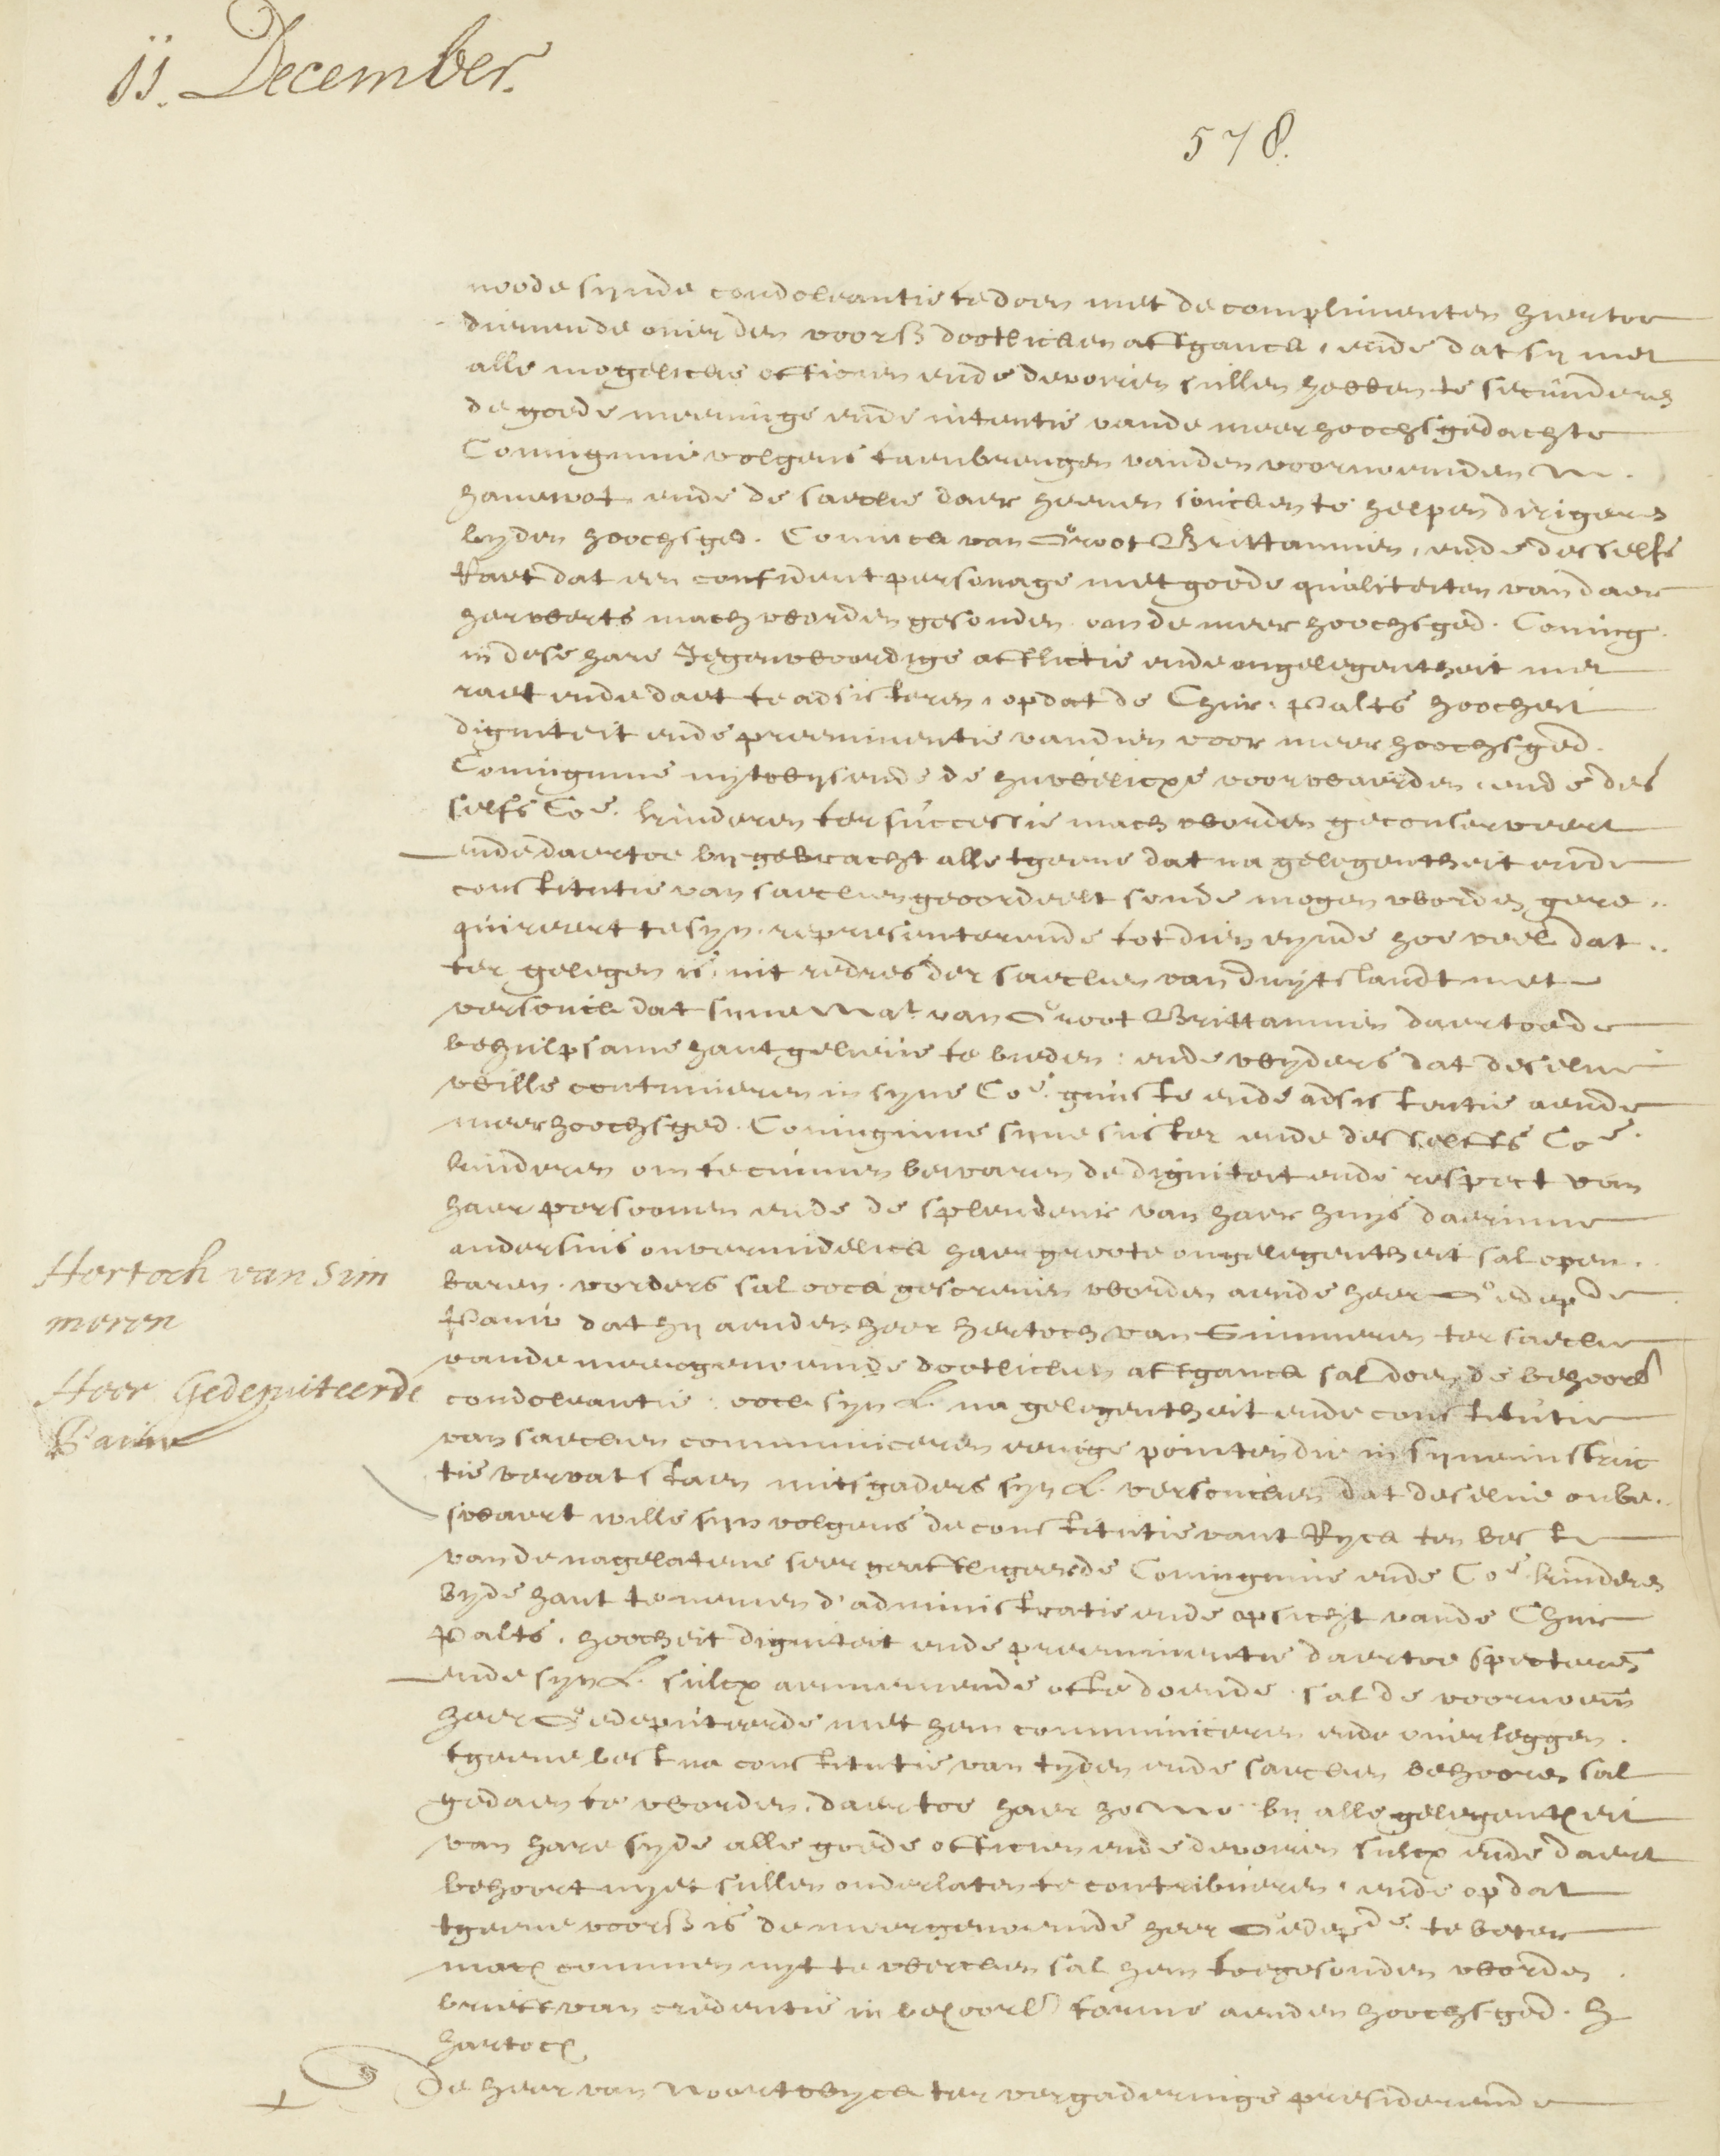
578
11. December.
Hertoch van Sim
meren
Heer Gedeputeerde
Staten
noode synde condoleantie te doen met de complimenten hiertoe
dienende ouer den voors dootlicken affganck, ende dat sy met
alle mogelicke officien ende devoiren sullen hebben te secunderen
de goede meeninge ende intentie vande meer hoochsgedachte
Coninginne volgens t' aenbrengen vanden voornoemden M.
hanewot, ende de saecke daer heenen soucken te helpen dirigeren
by den hoochsged. Coninck van Groot Brittannien, ende desselfs
Raet dat een confident personage met goede qualiteiten van daer
herwerts mach worden gesonden van de meer hoochsged. Coning
in dese hare Jegenwoordige afflictie ende ongelegentheit met
raet ende daet te adsisteren, op dat de Chur: Palts hoochen
diginiteit ende preeminentie vandien voor meer hoochsged.
Coninginne uijtwysende de huwelicxe voorwaerden, ende des
selfs Cos. kinderen ter successie mach worden geconserveert
Ende daertoe by gebracht alle tgeene dat na gelegentheit ende
constitutie van saecken geoordeelt soude mogen worden gere„
quireert te syn, representerende tot dien eynde hoe veel dat„
ter gelegen is int redres der saecken van duijtslandt met
versouck dat syne Mat. van Groot Brittannien daertoe de
behulpsame hant gelieve te bieden: ende wyders dat deselve
wille continueren in syne Cos. gunste ende adsistentie aende
meer hoochsged. Coninginne syne suster ende desselffs Cos.
kinderen om te cunnen bewaren de digniteit ende respect van
haer persoonen ende de splendeur van haer huys daerinne
andersins onvermidelick haer groote ongelegentheit sal open„
baren, vorders sal oock gescreven worden aende heer Gedepde
Pauw dat hy aenden heer hertoch van Simmeren ter saecke
vande meergenoemde dootlicken affganck sal doen de behoorl
condoleantie: oock syn E. na gelegentheijt ende constitutie
van saecken communiceren eenige pointen die in syne instruc„
tie vervat staen mitsgaders syn E. versoucken dat deselue onbe„
swaert wille syn volgens de constitutie vant Rijck ten beste
van de nagelatene seer geaffligeerde Coninginne ende Cos. kinderen
by de hant te nemen d'administratie ende opsicht vande Chur
Palts, hoocheit digniteit ende preeminentie daertoe specteren
ende syn E. sulcx aennemende ofte doende sal de voornoem
heer Gedeputeerde met hem communiceren ende ouerleggen.
tgeene best na constitutie van tyden ende saecken behooren sal
gedaen te worden, daertoe haer hoMo: bij alle gelegentheit
van hare syde alle goede officien ende devoiren sulcx ende daert
behoort nyet sullen onderlaten te contribueren, ende op dat
tgeene voors is de meergenoemde heer Gedepde. te beter
mach commen uyt te wercken sal hem toegesonden worden .
brieff van credentie in behoorl forme aenden hoochsged. H
hartoch
De heer van Noortwyck ter vergaderinge presiderende
